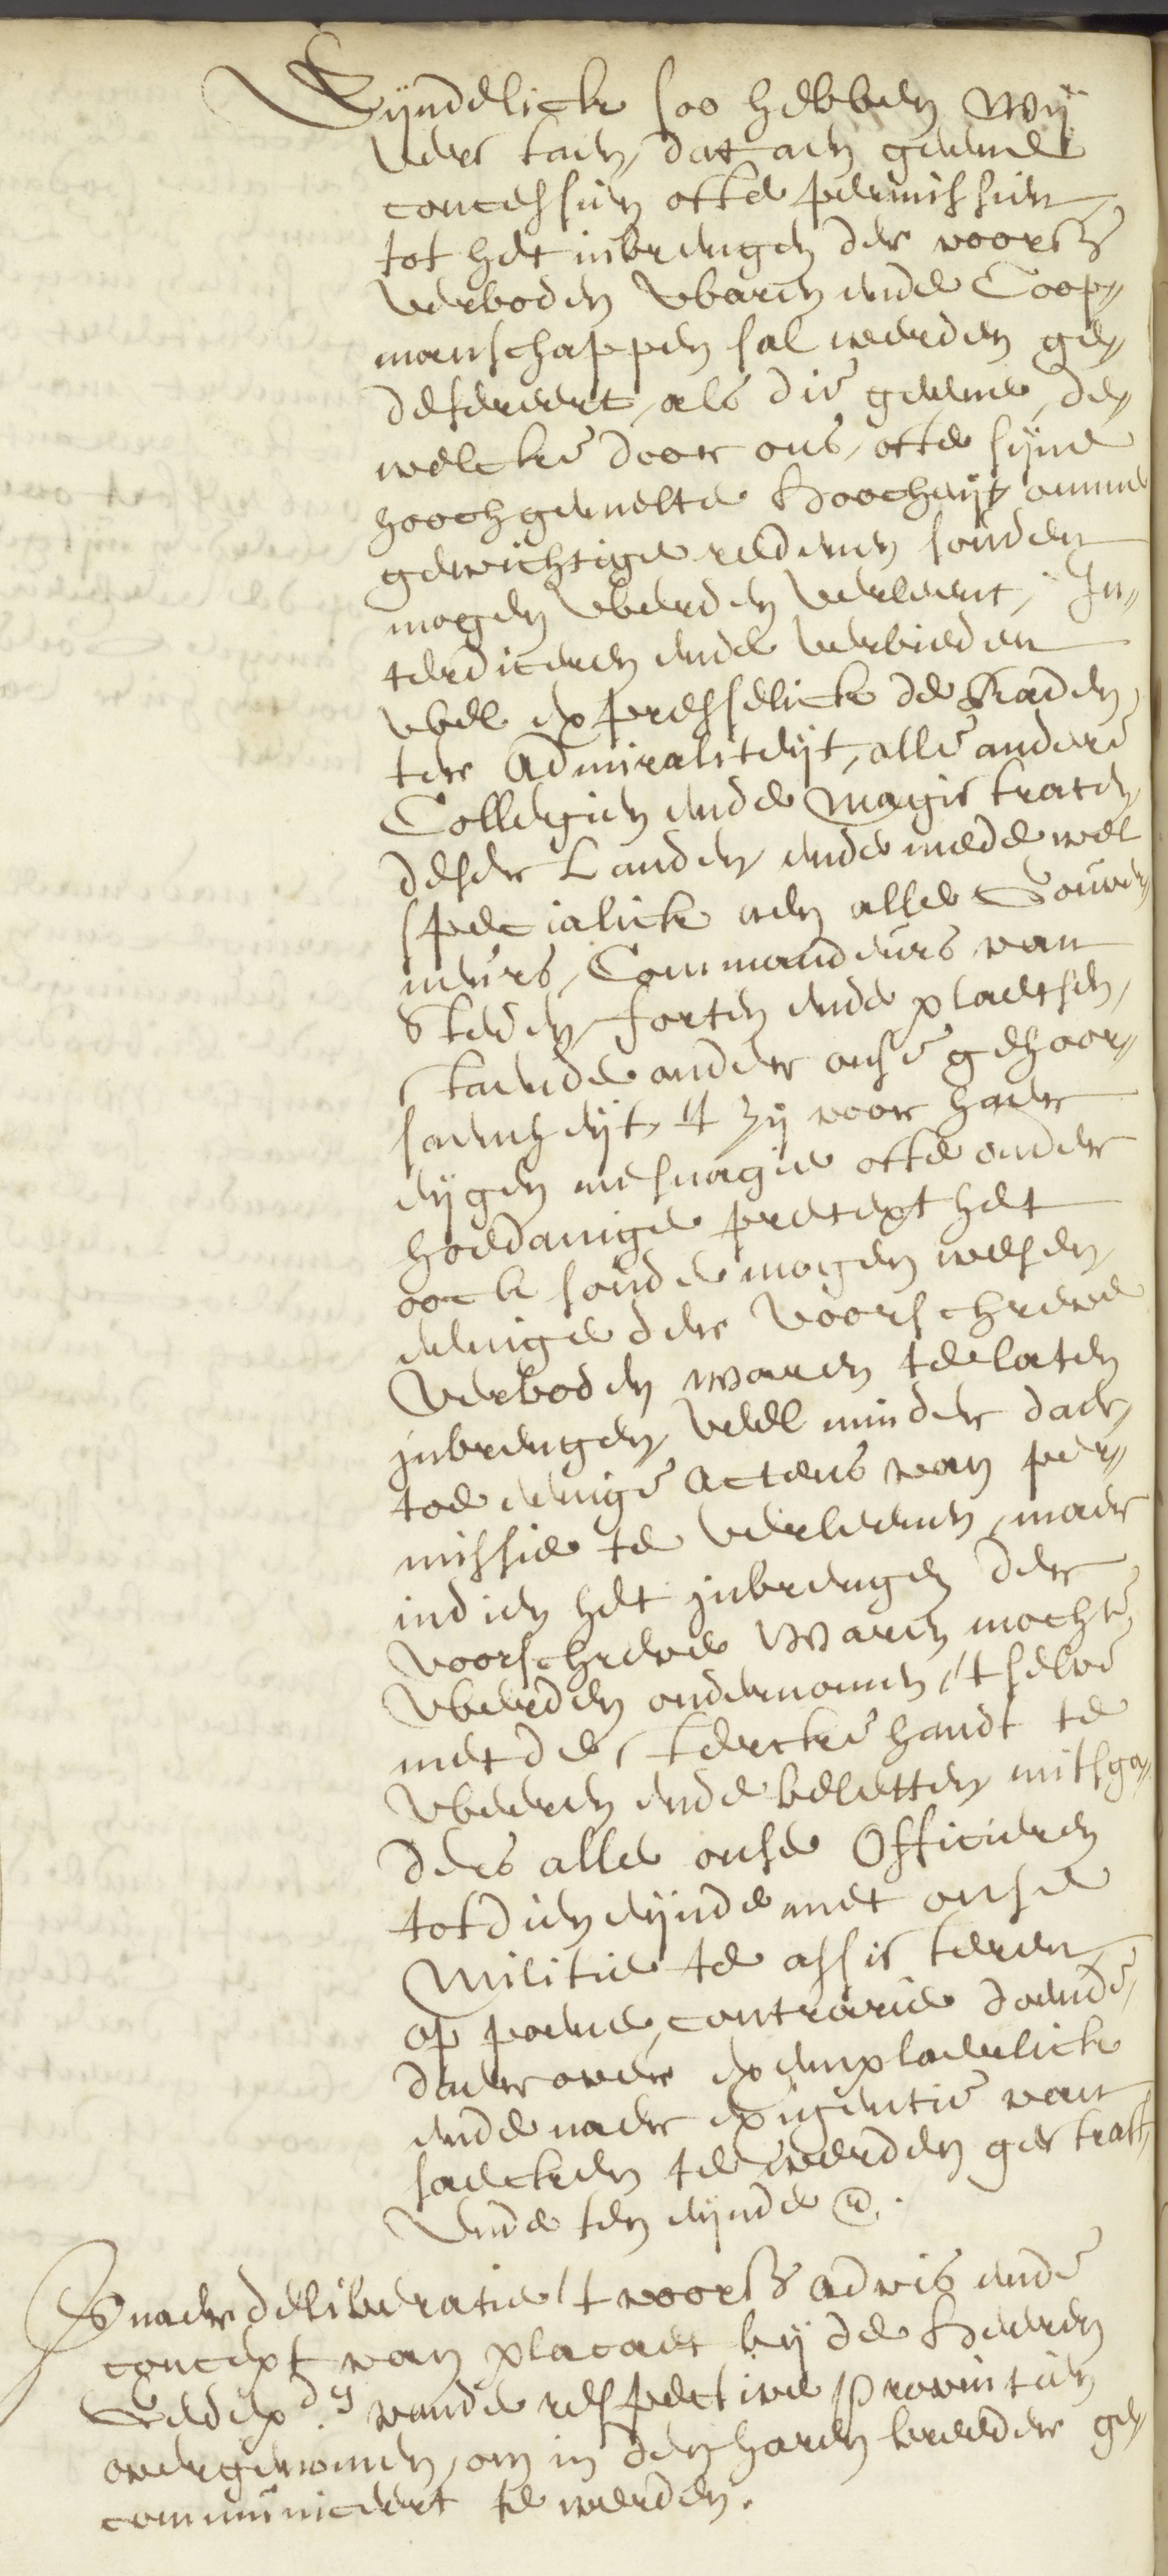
Eijndelick soo hebben wij
verstaen, dat aen geene
concessien ofte permissien
tot het inbrengen der voors
verboden waren ende Coop„
manschappen sal werden ge„
defereert, als die geene de„
welcke door ons, ofte sijne
hoochgemelte Hoocheijt omme
gewichtige redenen souden
mogen werden verleent, In„
terdiceren ende verbieden
wel expresselick de Raden
ter Admiraliteijt, alle andere
Collegien ende magistraten
deser Landen, ende mede wel
specialick aen alle Gouver„
neurs, Commandeurs van
steden, forten ende plaetsen,
staende onder onse gehoor„
saemheijt, 't zij voor haer
eijgen mesnagie ofte onder
hoedanige pretext het
oock soude mogen wesen,
eenige der voorschreve
verboden waren te laten
inbrengen, veel minder daer„
toe eenige actens van per„
missie te verleenen, maer
indien het inbrengen der
voorschreve Waren mochte
werden ondernomen, 't selve
met de stercke handt te
weeren ende beletten, mitsga„
ders alle onse Officieren
tot dien eijnde met onse
militie te assisteren
op poene contrarie doende
daerover exemplaerlick
ende naer exigentie van
saecken te werden gestraft,
Ende ten eijnde @.
Is naer deliberatie 't voors advis ende
concept van placaet bij de Heeren
Gedepden. vande respective provintien
overgenomen, om in den haren breeder ge„
comuniceert te werden.
